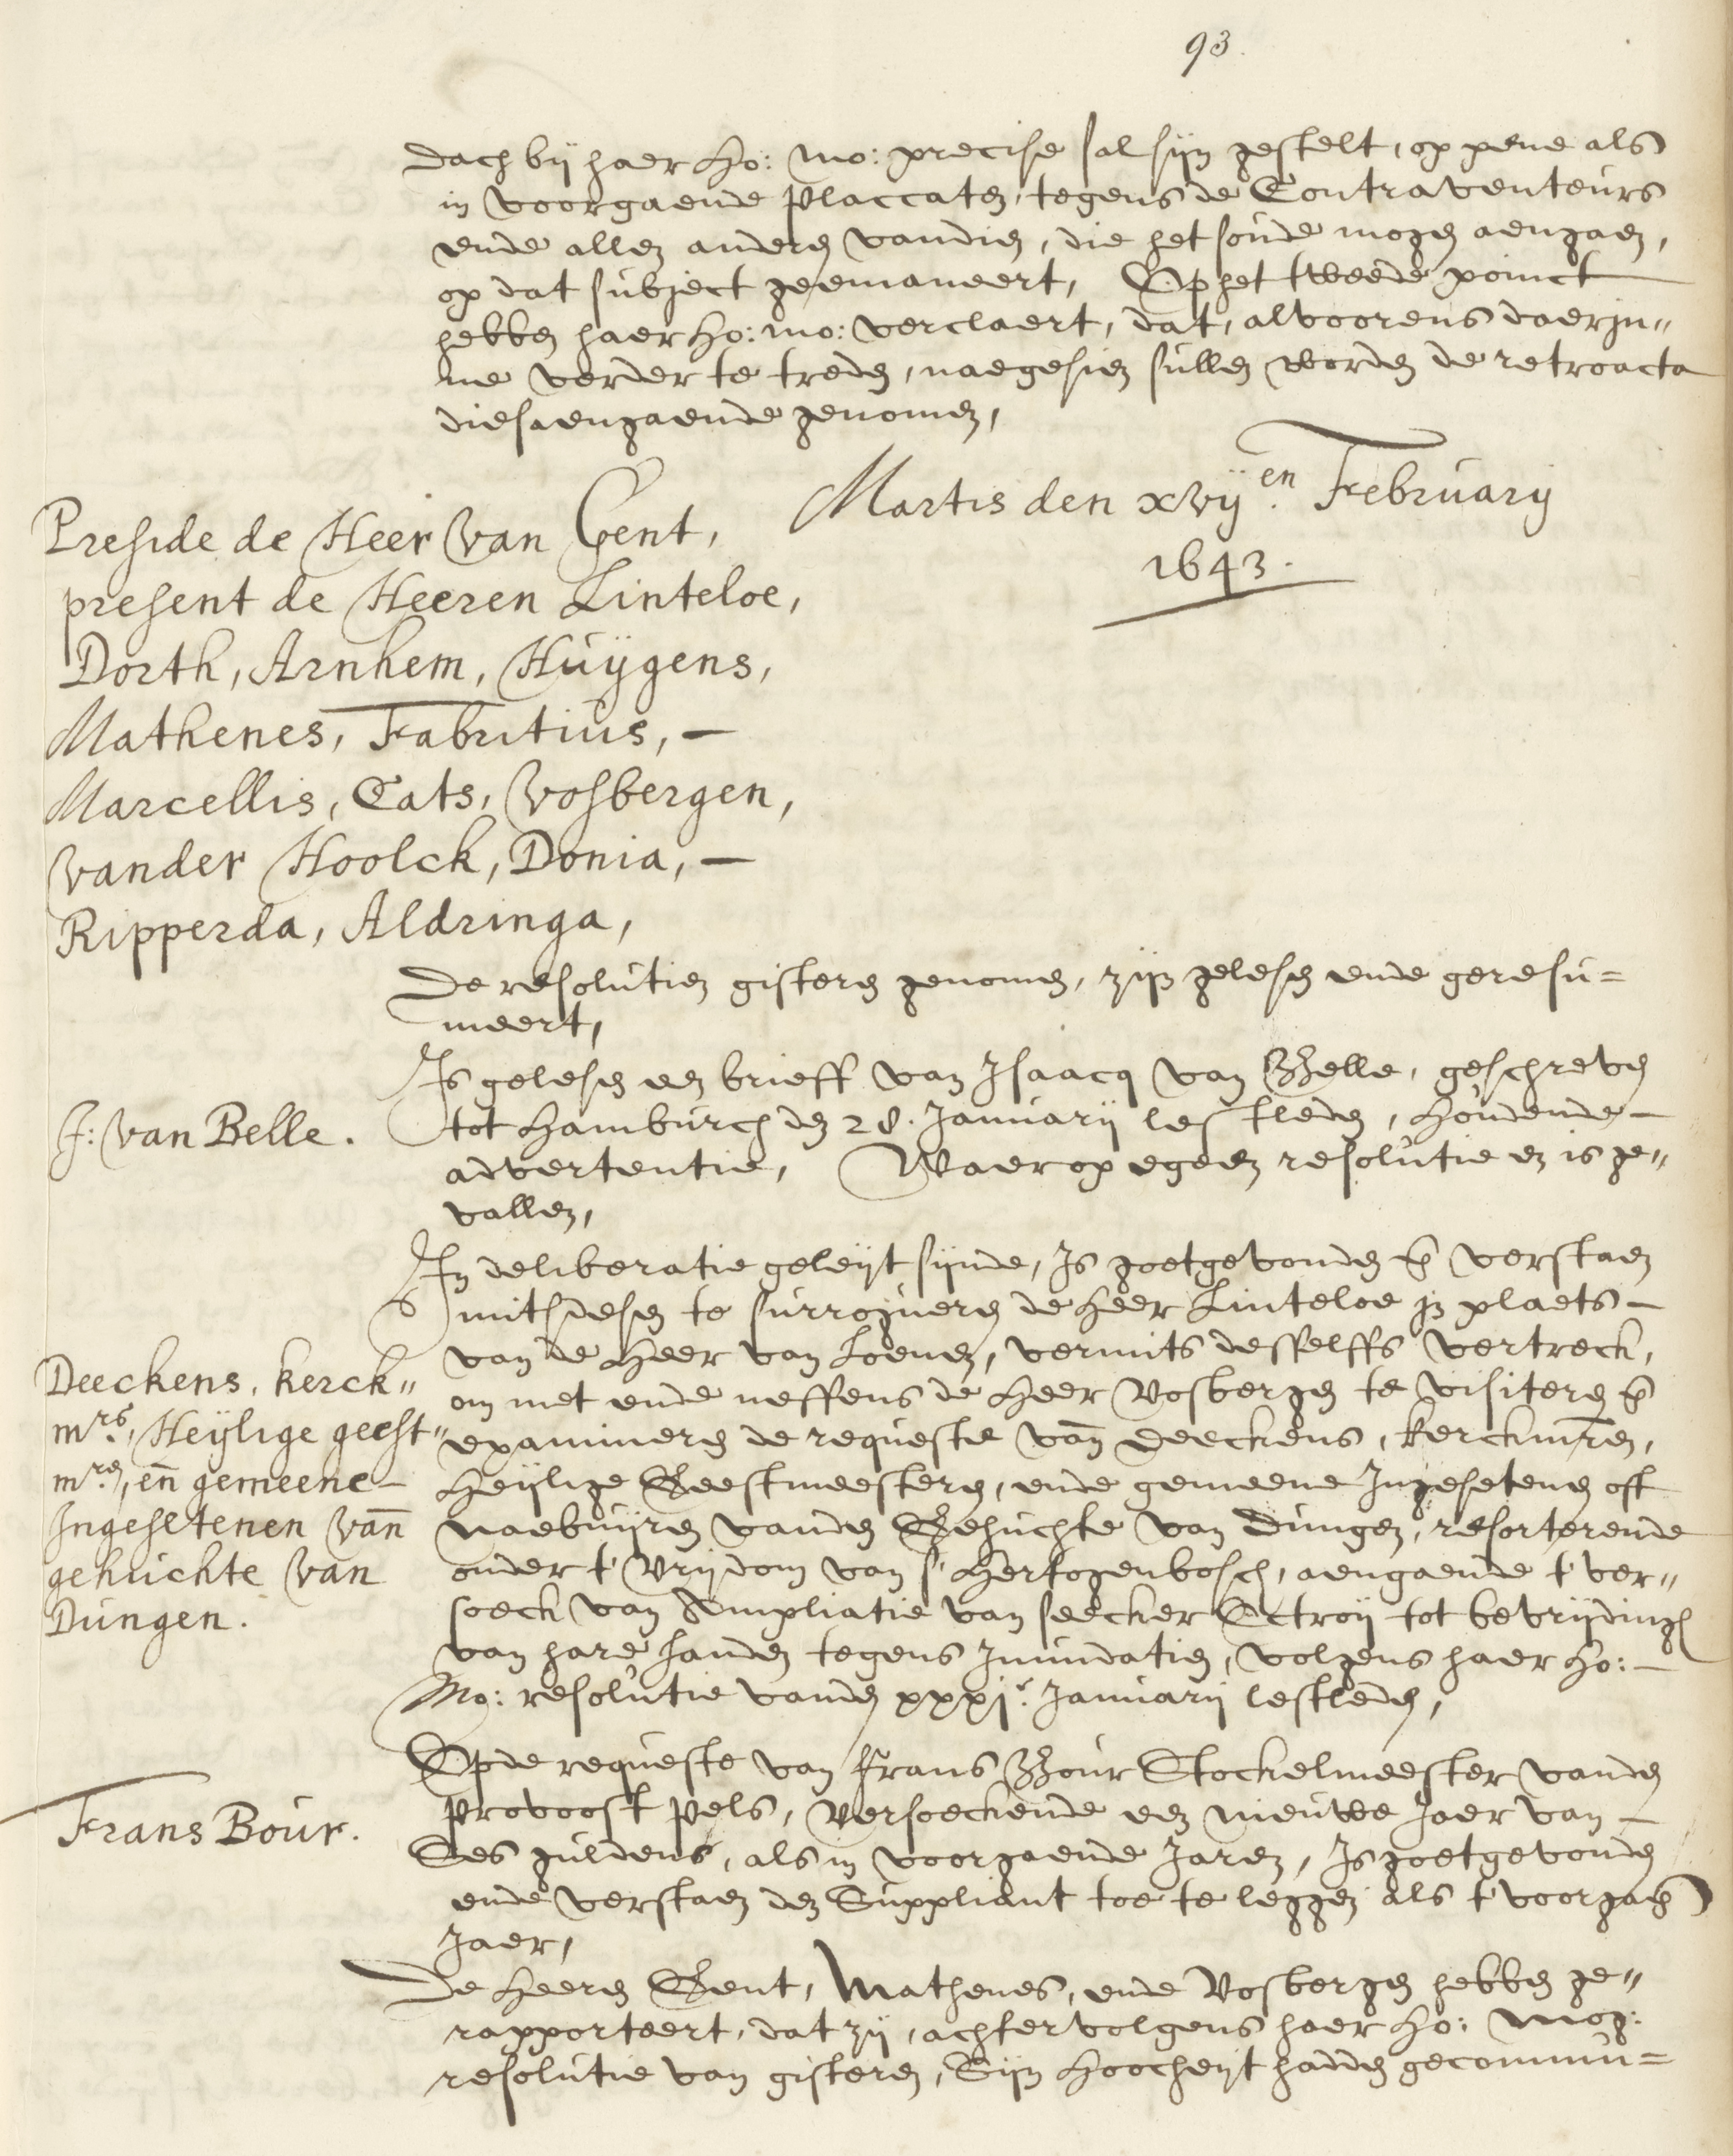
93.
Dach bij haer Ho:Mo: precise sal sijn gestelt, op pene als
in voorgaende placcaten, tegens de Contraventeurs
ende allen anderen vandien, die het soude mogen aengaen,
op dat subject geemaneert, Op het tweede poinct
hebben haer Ho:Mo: verclaert, dat, alvoorens daerin„
ne verder te treden, naegesien sullen worden de retroacta
diesaengaende genomen.
Martis den xviien. Februarij
1643.
Preside de Heer van Gent,
present de Heeren Linteloe,
Dorth, Arnhem, Huijgens,
Mathenes, Fabritius, —
Marcellis, Cats, Vosbergen,
vander Hoolck, Donia, —
Ripperda, Aldringa.
De resolutien gisteren genomen, zijn gelesen ende geresu„
meert.
I: van Belle.
Is gelesen een brieff van Isaacq van Belle, geschreven
tot Hamburch den 28. Januarij lestleden, houdende -
advertentie. Waer op egeen resolutie en is ge„
vallen.
Deeckens, kerck„
mrs., Heijlige geest„
mren, en gemeene -
Ingesetenen van
gehuchte van
Dungen.
In deliberatie geleijt sijnde, Is goetgevonden & verstaen
mitsdesen te surrogueren de heer Linteloe in plaets —
van de heer van Loenen, vermits desselffs vertreck,
om met ende neffens de heer Vosbergen te visiteren &
examineren de requeste van Deeckens, Kerckmren,
Heijlige Geestmeesteren, ende gemeene Ingesetenen oft
Naebuijren vanden Gehuchte van Dungen, resorterende
onder t‛ Vrijdom van s‛Hertogenbosch, aengaende t‛ ver„
soeck van Ampliatie van seecker Octroij tot bevrijdingh
van hare Landen tegens Inundatien, volgens haer Ho:
Mo: resolutie vanden XXXIe Januarij lestleden
Frans Bour.
Opde requeste van Frans Bour, Stockelmeester vanden
provoost pels, versoeckende een nieuwe jaer van —
ses guldens, als in voorgaende jaren, Is goetgevonden
ende verstaen den Suppliant toe te leggen als t‛voorgae
jaer.
De heeren Gent, Mathenes, ende Vosbergen hebben ge„
rapporteert, dat zij, achtervolgens haer Ho:Mo:
resolutie van gisteren, Sijn Hoocheijt hadden gecommun„
